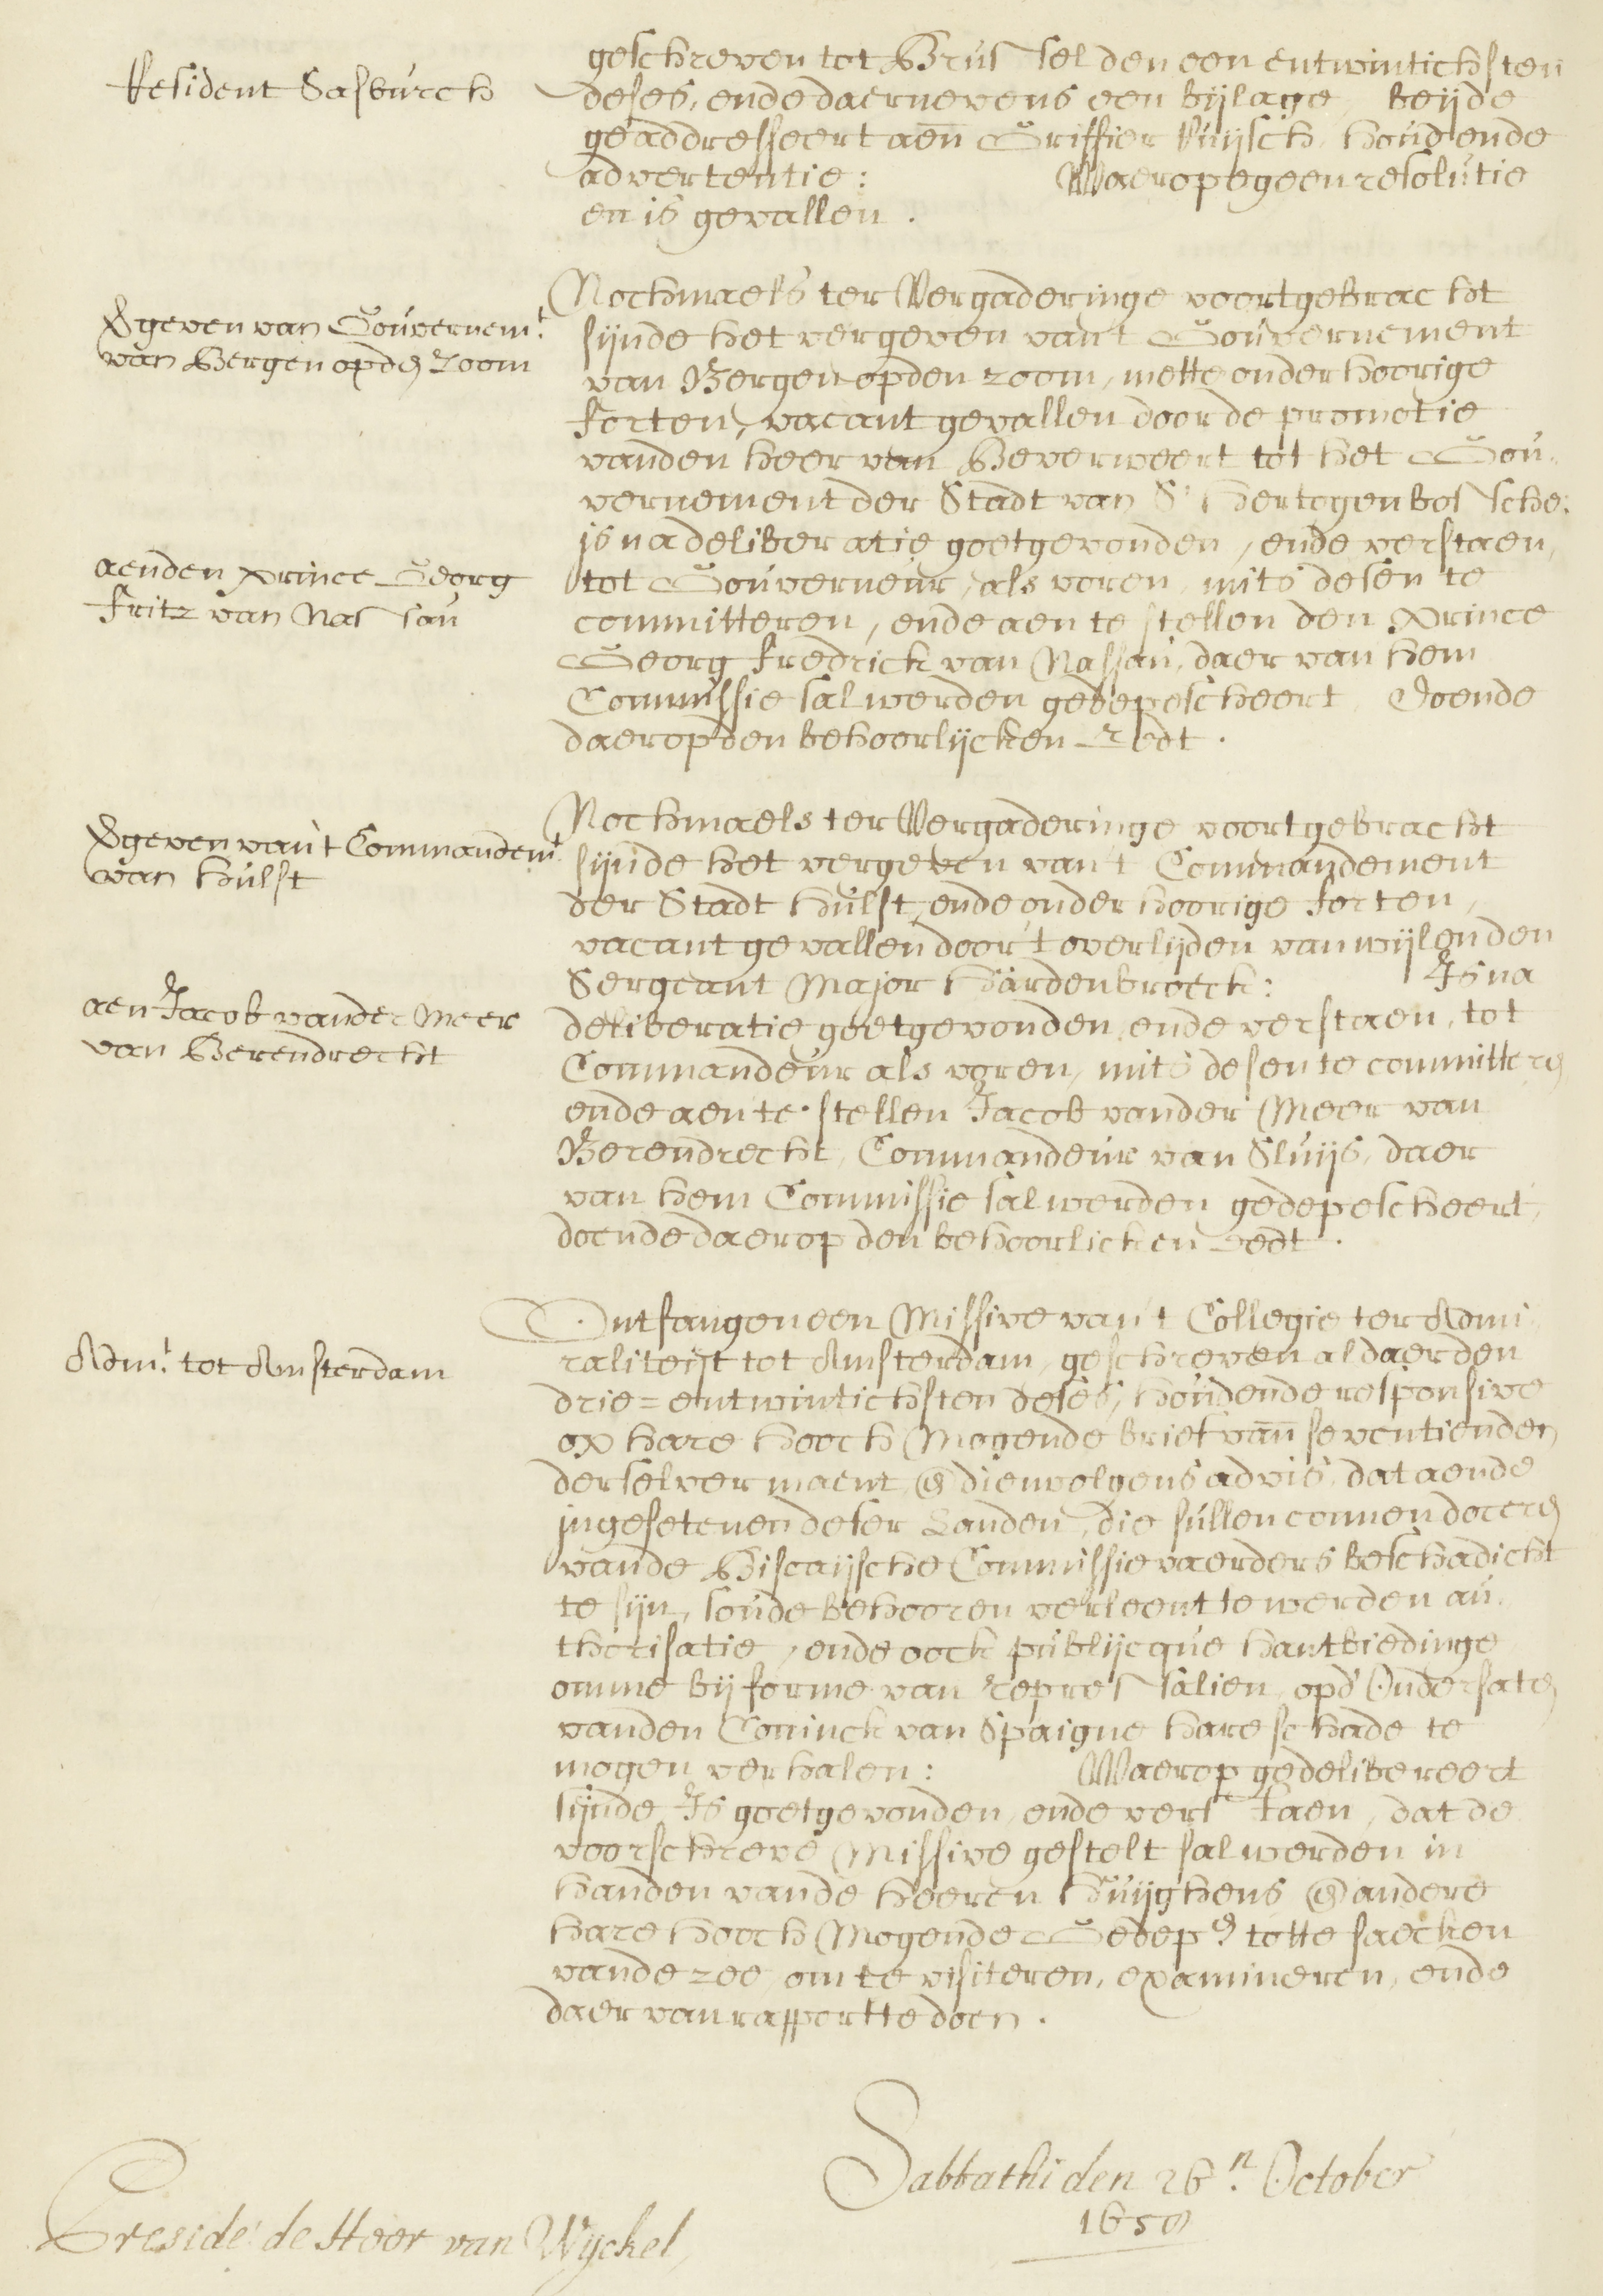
Resident Sasburch
geschreven tot Brussel den eenentwintichsten
deses, ende daernevens een bijlage, beijde
geaddresseert aen Griffier Ruijsch, houdende
advertentie: Waerop egeen resolutie
en is gevallen.
vgeven van Gouvernemt.
van Bergen opden Zoom
aenden Prince Georg
fritz van Nassau
Nochmaels ter Vergaderinge voortgebracht
sijnde het vergeven van 't Gouvernement
van Bergen opden zoom, mette onderhoorige
forten, vacant gevallen door de promotie
vanden heer van Beverweert tot het Gou„
vernement der Stadt van S'Hertogenbossche.
is na deliberatie goetgevonden, ende verstaen,
tot Gouverneur, als voren, mits desen te
committeren, ende aen te stellen den Prince
Georg fredrick van Nassau, daer van hem
Commissie sal werden gedepescheert, Doende
daerop den behoorlijcken Eedt.
vgeven van't Commandemt
van Hulst
aen Jacob vander Meer
van Berendrecht
Nochmaels ter Vergaderinge voortgebracht
sijnde het vergeven van 't Commandement
der Stadt Hulst ende onderhoorige forten
vacant gevallen door 't overlijden van wijlen den
Sergeant Major Hardenbroeck: Is na
deliberatie goetgevonden, ende verstaen, tot
Commandeur als voren, mits desen te committeren
ende aen te stellen Jacob vander Meer van
Berendrecht, Commandeur van Sluijs, daer
van hem Commissie sal werden gedepescheert,
doende daerop den behoorlicken eedt.
Admt. tot Amsterdam
Ontfangen een Missive van't Collegie ter Admi„
raliteijt tot Amsterdam, geschreven aldaer den
drie=entwintichsten deses, houdende responsive
op hare Hooch Mogende brief van seventienden
derselver maent, & dienvolgens advis, dat aende
Ingesetenen deser Landen, die sullen connen doceren
vande Biscaijsche Commissie vaerders beschadicht
te sijn, soude behooren verleent te werden au„
thorisatie, ende oock publijcque hantbiedinge
omme bij forme van repressalien, opd' Ondersaten
vanden Coninck van Spaigne hare schade te
mogen verhalen: Waerop gedelibereert
sijnde Is goetgevonden, ende verstaen, dat de
voorschreve Missive gestelt sal werden in
handen van de heeren Huijghens & andere
hare Hooch Mogende Gedepen. totte saecken
vande zee, om te visiteren, examineren, ende
daer van rapport te doen.
Sabbathi den 26n. October
1658
Preside de Heer van Wijckel,
